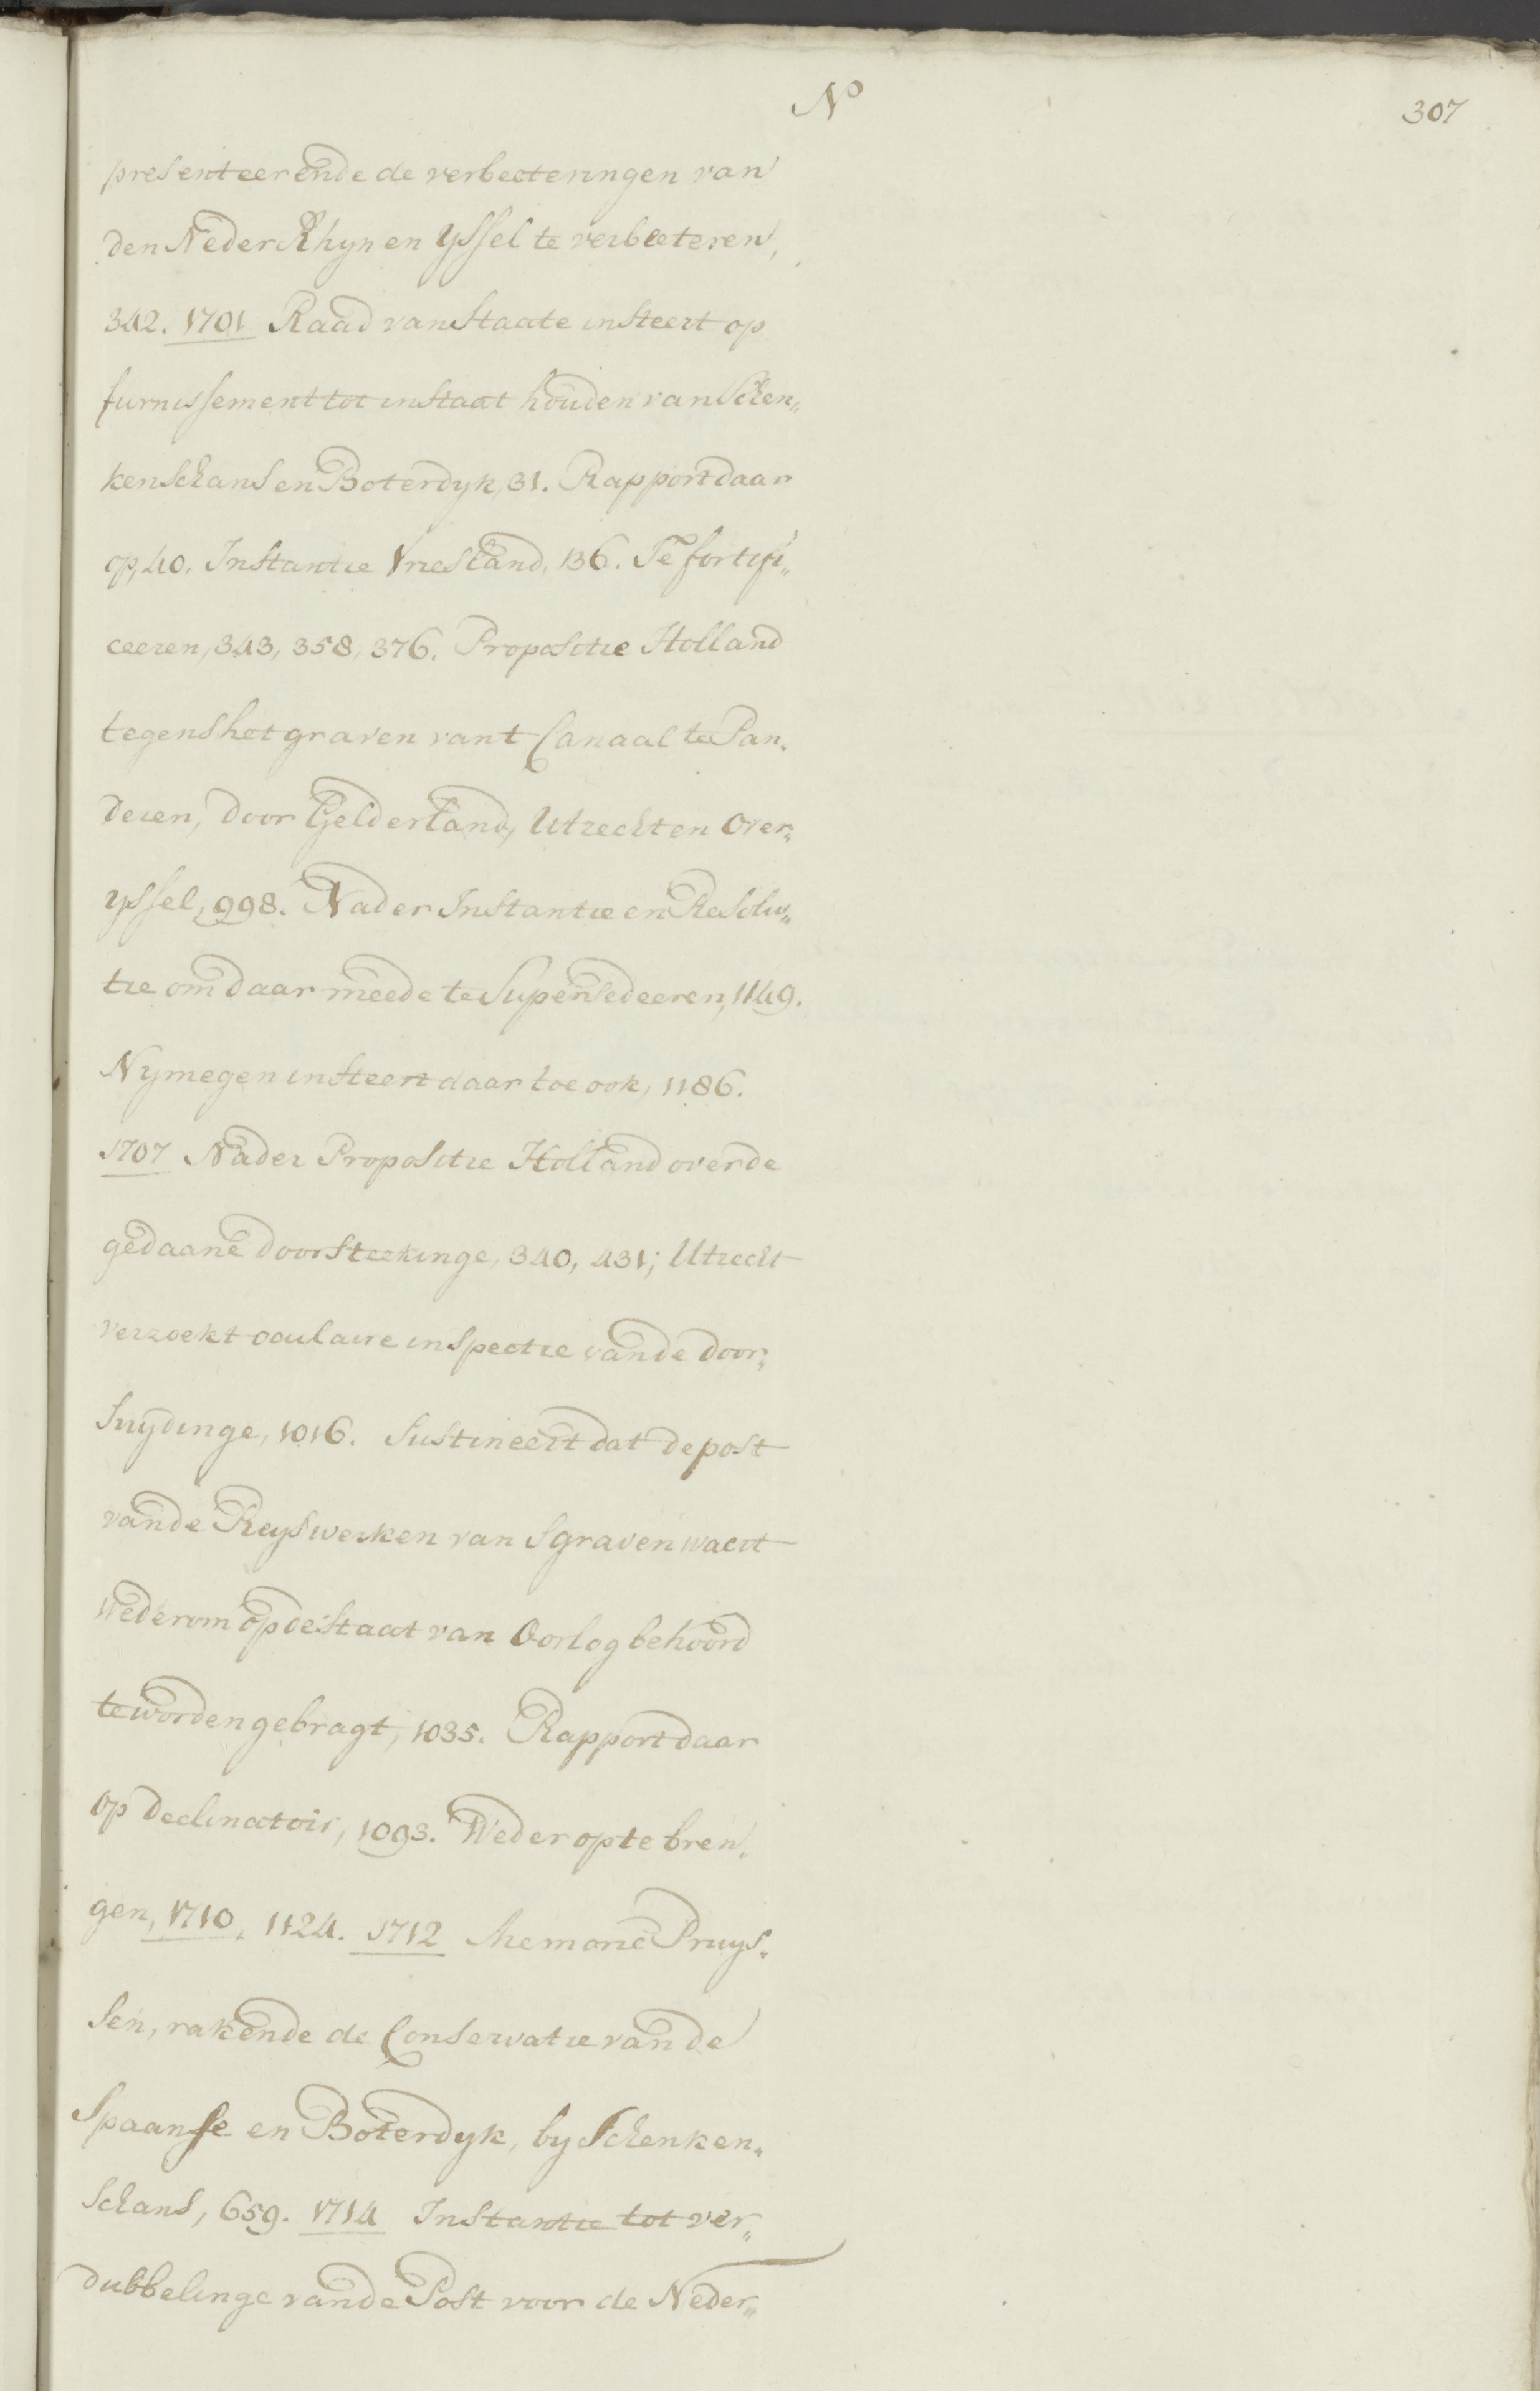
307
N
presenteerende de verbeeteringen van
den NederRhyn en Yssel te verbeeteren,
342. 1701 Raad van Staate insteert op
furnissement tot instaat houden van schen,,
kenschans en Boterdyk, 31. Rapport daar
op, 40. Instantie Vriesland, 136. Te fortifi„
ceeren, 343, 358, 376. Propositie Holland
tegens het graven vant Canaal te Pan,,
deren, door Gelderland, Utrecht en Over„
yssel, 998. Nader Instantie en Resolu„
tie om daar meede te Supersedeeren 1149.
Nymegen insteert daar toe ook, 1186.
1707 Nader Propositie Holland over de
gedaane doorsteekinge, 340, 431; Utrecht
verzoekt oculaire inspectie vande door„,
snydinge, 1016. Sustineert dat de post
vande Reyswerken van Sgravenwaert
wederom op de staat van oorlog behoord
te worden gebragt, 1035. Rapport daar
op declinatoir, 1093. Weder opte bren,,
gen, 1710, 1124. 1712 Memorie Pruys„
sen, rakende de Conservatie van de
Spaanse en Boterdyk, by Schenken„,
Schans, 659. 1714, Instantie tot ver„
dubbelinge vande Post voor de Neder„
